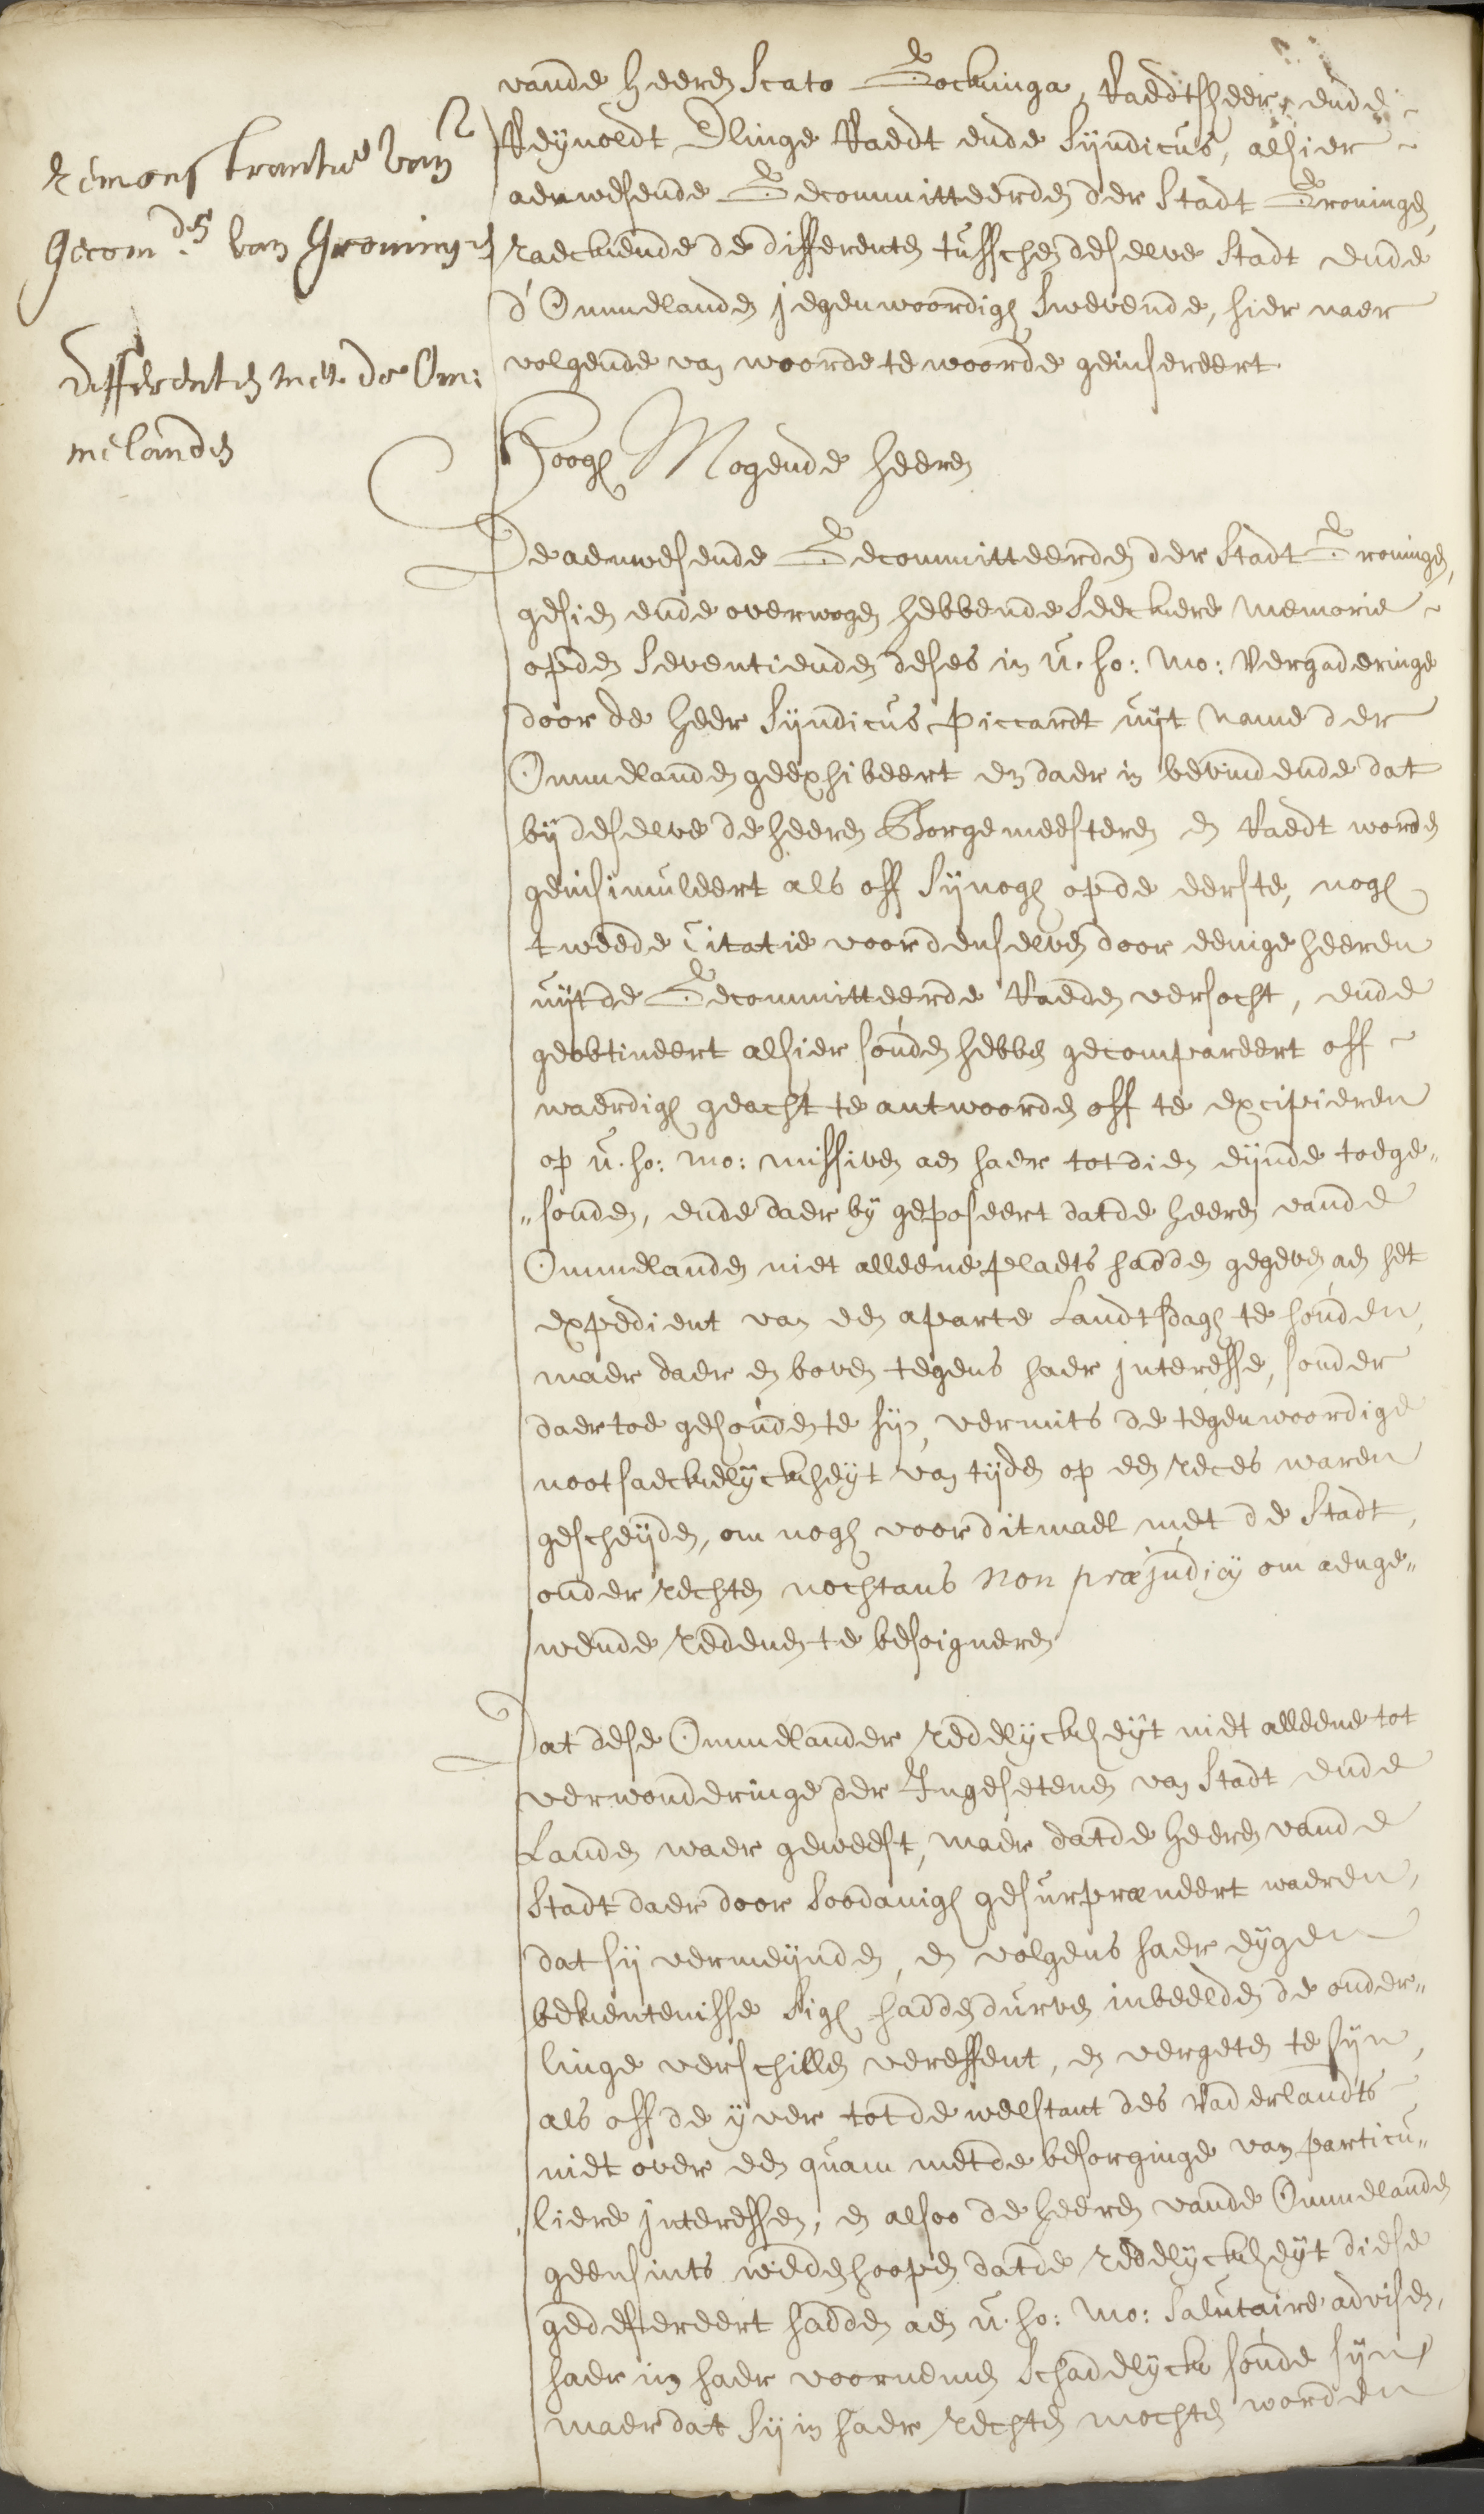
remonstrantie van
Gecomden. van Groninngen
differenten met de Om:
melanden
vande heeren Scato Gockinga, Raedtsheer, ende
Reijnoldt Elinge Raedt ende Sijndicus, alhier
aenwesende Gecommitteerden der Stadt Groningen,
raeckende de differenten tusschen deselve Stadt ende
d'Ommelanden jegenwoordigh Swevende, hier naer
volgende van woorde te woorde geinsereert.
Hoogh Mogende heeren.
De aenwesende Gecommitteerden der Stadt Groningen,
gesien ende overwogen hebbende Seeckere memorie
opden Seventienden deses in U. ho:Mo: Vergaderinge
door de heer Sijndicus Piccardt uijt name der
Ommelanden geexhibeert en daer in bevindende dat
bij deselve de heeren Borgemeesteren en Raedt worden
geinsimuleert als off Sij nogh opde eerste, nogh
tweede Citatie voor denselven door eenige heeren
uijt de Gecommitteerde Raeden versocht, ende
geobtineert alhier souden hebben gecompareert off
waerdigh geacht te antwoorden off te excipieren
op u. ho:mo: missiven aen haer tot dien eijnde toege„
„sonden, ende daer bij geposeert dat de heeren vande
Ommelanden niet alleene plaets hadden gegeven aen het
expedient van een aparte Landtsdagh te houden,
maer daer en boven tegens haer interesse, sonder
daertoe gehouden te sijn, vermits de tegenwoordige
nootsaeckelijckheijt van tijden op een reces waren
gescheijden, om nogh voor dit mael met de Stadt,
onder rechten nochtans Non præjudicij om aenge„
wende redenen te besoigneren.
Dat dese Ommelander redelijckheijt niet alleene tot
verwonderinge der Ingesetenen van Stadt ende
Landen waer geweest, maer dat de heeren vande
Stadt daer door soodanigh gesurpræneert waeren,
dat sij vermeijnden, en volgens haer eijgen
bekentenisse sigh hadden durven inbeelden de onder„
linge verschillen vereffent, en vergeten te sijn,
als off de ijver tot de welstant des Vaderlandts-
niet over een quam met de besorginge van particu„
„liere interessen, en alsoo de heeren vande Ommelanden
geensints wilden hoopen dat de redelijckheijt diese
gedefereert hadden aen u. ho:Mo: Salutaire advisen,
haer in haer voornemen schadelijck soude sijn,
maer dat sij in haer rechten mochten worden
